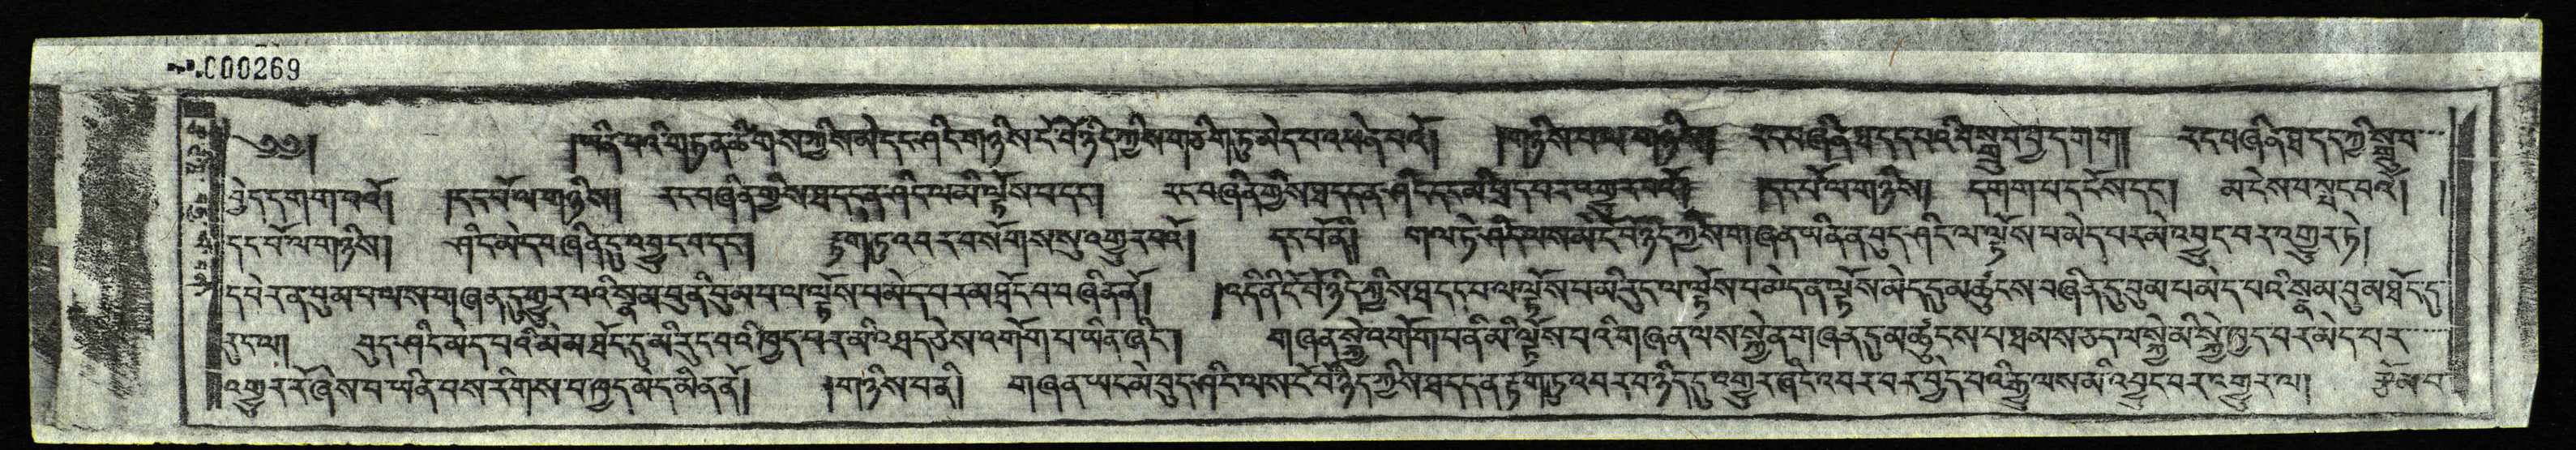༄༅། །ཡིན་པའི་གཏན་ཚིགས་ཀྱིས་མེ་དང་ཤིང་གཉིས་ངོ་བོ་ཉིད་ཀྱིས་གཅིག་ཏུ་མེད་པ་འཕེན་པའོ། །གཉིས་པ་ལ་གཉིས། རང་བཞིན་ཐ་དད་པའི་བསྒྲུབ་བྱ་དགག །རང་བཞིན་ཐ་དད་ཀྱི་སྒྲུབ་
བྱེད་དགག་པའོ། །དང་པོ་ལ་གཉིས། རང་བཞིན་གྱིས་ཐ་དད་ན་ཤིང་ལ་མི་ལྟོས་པ་དང་། རང་བཞིན་གྱིས་ཐ་དད་ན་ཤིང་དང་མི་ཕྲད་པར་འགྱུར་བའོ། །དང་པོ་ལ་གཉིས། དགག་པ་དངོས་དང་། མ་ངེས་པ་སྤང་བའོ། །
དང་པོ་ལ་གཉིས། ཤིང་མེད་བཞིན་དུ་འབྱུང་བ་དང་། རྟག་ཏུ་འབར་བ་སོགས་སུ་འགྱུར་བའོ། དང་པོ་ནི། གལ་ཏེ་ཤིང་ལས་མེ་ངོ་བོ་ཉིད་ཀྱིས་གཞན་ཡིན་ན་བུད་ཤིང་ལ་ལྟོས་པ་མེད་པར་མེ་འབྱུང་བར་འགྱུར་ཏེ།
དཔེར་ན་བུམ་པ་ལས་གཞན་དུ་གྱུར་བའི་སྣམ་བུ་ནི་བུམ་པ་ལ་ལྟོས་པ་མེད་པར་མཐོང་པ་བཞིན་ནོ། །འདི་ནི་ངོ་བོ་ཉིད་ཀྱིས་ཐ་དད་པ་ལ་ལྟོས་པ་མི་རུང་ལ་ལྟོས་པ་མེད་ན་ལྟོས་མེད་དུ་མཚུངས་བཞིན་དུ་བུམ་པ་མེད་པའི་སྣམ་བུ་མཐོང་དུ་
རུང་ལ། བུད་ཤིང་མེད་པའི་མེ་མཐོང་དུ་མི་རུང་བའི་ཁྱད་པར་མི་འཐད་ཅེས་འགོག་པ་ཡིན་ཞིང་། གཞན་སྐྱེ་འགོག་པ་ནི་མི་ལྟོས་པའི་གཞན་ལས་སྐྱེ་ན་གཞན་དུ་མཚུངས་པ་ཐམས་ཅད་ལ་སྐྱེ་མི་སྐྱེ་ཁྱད་པར་མེད་པར་
འགྱུར་རོ་ཞེས་པ་ཡིན་པས་རིགས་པ་ཁྱད་མེད་མིན་ནོ། །གཉིས་པ་ནི། གཞན་ཡང་མེ་བུད་ཤིང་ལས་ངོ་བོ་ཉིད་ཀྱིས་ཐ་དད་ན་རྟག་ཏུ་འབར་བ་ཉིད་དུ་འགྱུར་ཞིང་འབར་བར་བྱེད་པའི་རྒྱུ་ལས་མི་འབྱུང་བར་འགྱུར་ལ། རྩོམ་པ་